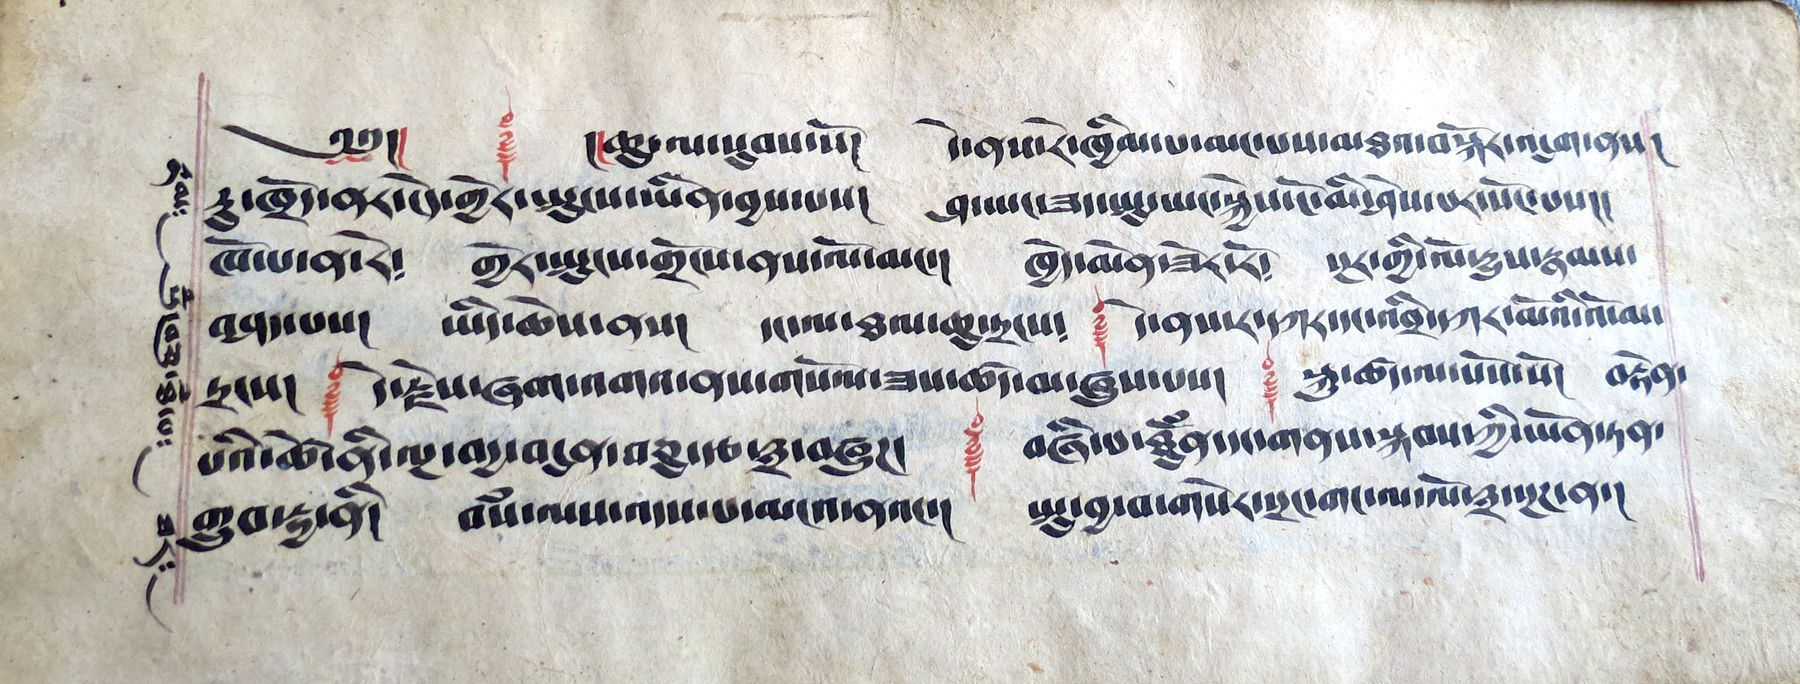ཆུ་ལ་སུབས་སོ། ། དེ་ནས་བྱང་རེ་ཁྱིམ་པ་མང་པོས་མཐའ་བསྐོར་ཏེ་འདུག་ནས། 
རུ་ཁྲོད་ན་ངེད་གྱེར་སྤུངས་ཡིན་བྱས་པས། ཤ་ཡང་ཟད། སྤུ་ཡང་སྐྱེས། ངོ་མི་ཤེས་པར་སོང་པས། 
ཁོང་པ་ན་རེ། གྱེར་སྤུངས་གྲོངས་ནས་ལོ་མང་། ཁྱེད་མིན་ཟེར་རོ། སྔར་གྱི་ལོ་རྒྱུས་རྣམས་
བཤད་པས། ཡིད་ཆེས་ནས་དང་ལ་ཐལ་ཆུ་དྲངས། དེ་ནས་ར་དཀར་འབྲི་དཀར་གྱི་འོ་མ་
དྲངས། དེ་རྗེས་ཞག་འགའ་ནས། གསོལ་ཟས་ཚད་ལ་ཞུས་པས། སྐུ་ཚད་ལ་སོས་སོ། བརྟེན་
པའི་ཚེ་ནི་ལྔ་བརྒྱ་བདུན་ཅུ་རྩ་གསུམ་བཞུགས་སོ། ། བཞི་པ་ཐུན་མོང་དང་གནས་སྐབས་ཀྱི་ཡོན་ཏན་
གྲུབ་རྟགས་ནི། བསམ་ལས་འདས་པ་མངའ་ནའང་། སྤུ་བྱ་བ་གསེར་སྲང་གང་ལ་ལོ་གསུམ་སྔགས་ན།